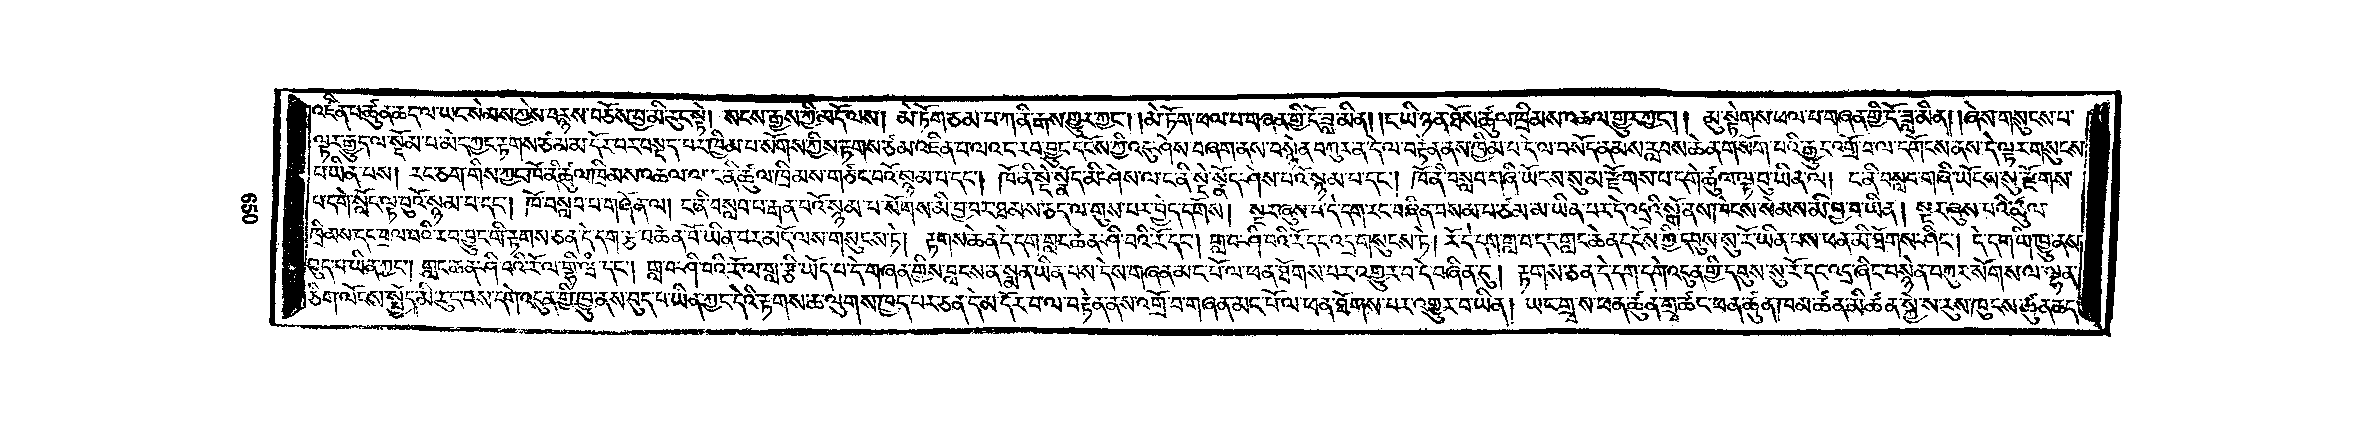འཛིན་པ་ཚུན་ཆད་ལ་ཡང་སེམས་ཀྱེས་བརྙས་བཅོས་བྱ་མི་རུང་སྟེ། སངས་རྒྱས་ཀྱི་མདོ་ལས། མེ་ཏོག་ཅམ་པ་ཀ་ནི་རྒས་གྱུར་ཀྱང་། །མེ་ཏོག་ཕལ་པ་གཞན་གྱི་དོ་ཟླ་མིན། །ང་ཡི་ཉན་ཐོས་ཚུལ་ཁྲིམས་འཆལ་གྱུར་ཀྱང་། །མུ་སྟེགས་ཕལ་པ་གཞན་གྱི་དོ་ཟླ་མིན། །ཞེས་གསུངས་པ་
ལྟར་རྒྱུད་ལ་སྡོམ་པ་མེད་ཀྱང་རྟགས་ཙམ་མ་དོར་བར་བསྡད་པར་ཁྱིམ་པ་སོགས་ཀྱིས་རྟགས་ཙམ་འཛིན་པ་ལའང་རབ་བྱུང་དངོས་ཀྱི་འདུ་ཤེས་བཞག་ནས་བསྙེན་བཀུར་ན་དེ་ལ་བརྟེན་ནས་ཁྱིམ་པ་དེ་ལ་བསོད་ནམས་རླབས་ཆེན་གསོག་པའི་རྒྱུར་འགྲོ་བ་ལ་དགོངས་ནས་དེ་ལྟར་གསུངས་
པ་ཡིན་པས། རང་ཅག་གིས་ཀྱང་ཁོ་ནི་ཚུལ་ཁྲིམས་འཆལ་ལ་ང་ནི་ཚུལ་ཁྲིམས་གཙང་བའོ་སྙམ་པ་དང་། ཁོ་ནི་སྡེ་སྣོད་མི་ཤེས་ལ་ང་ནི་སྡེ་སྣོད་ཤེས་པའོ་སྙམ་པ་དང་། ཁོ་ནི་བསླབ་གཞི་ཡོངས་སུ་མ་རྫོགས་པ་དགེ་ཚུལ་ལྟ་བུ་ཡིན་ལ། ང་ནི་བསླབ་གཞི་ཡོངས་སུ་རྫོགས་
པ་དགེ་སློང་ལྟ་བུའོ་སྙམ་པ་དང་། ཁོ་བསླབ་པ་གཞོན་ལ། ང་ནི་བསླབ་པ་རྒན་པའོ་སྙམ་པ་སོགས་མི་བྱ་བར་ཐམས་ཅད་ལ་གུས་པར་བྱེད་དགོས། སྔར་ཞུས་པ་དེ་དག་རང་བཞིན་བསམ་པ་ཙམ་མ་ཡིན་པར་དེ་འདྲའི་སྒོ་ནས་ཁེངས་སེམས་མི་བྱ་བ་ཡིན། སྔར་ཞུས་པའི་ཚུལ་
ཁྲིམས་དང་བྲལ་བའི་རབ་བྱུང་གི་རྟགས་ཅན་དེ་དག་རྩ་བ་ཆེན་པོ་ཡིན་པར་མདོ་ལས་གསུངས་ཏེ། རྟགས་ཆེན་དེ་དག་གླང་ཆེན་ཤི་བའི་རོ་དང་། གླ་བ་ཤི་བའི་རོ་དང་འདྲ་གསུངས་ཏེ། རོ་དེ་དག་གླ་བ་དང་གླང་ཆེན་དངོས་ཀྱི་དབུས་སུ་རོ་ཡིན་པས་ཕན་མི་ཐོགས་ཤིང་། དེ་དག་གི་ཁྱུ་ནས་
བུད་པ་ཡིན་ཀྱང་། གླང་ཆན་ཤི་བའི་རོ་ལ་གྷི་ཝཾ་དང་། གླ་བ་ཤི་བའི་རོལ་གླ་རྩི་ཡོད་པ་དེ་གཞན་གྱིས་བླངས་ན་སྨན་ཡིན་པས་དེས་གཞན་མང་པོ་ལ་ཕན་ཐོགས་པར་འགྱུར་བ་དེ་བཞིན་དུ། རྟགས་ཅན་དེ་དག་དགེ་འདུན་གྱི་དབུས་སུ་རོ་དང་འདྲ་ཞིང་བསྙེན་བཀུར་སོགས་ལ་ལྷན་
ཅིག་ལོངས་སྤྱོད་མི་རུང་བས་དགེ་འདུན་གྱི་ཁྱུ་ནས་བུད་པ་ཡིན་ཀྱང་དེའི་རྟགས་ཆ་ལུགས་ཁྱད་པར་ཅན་དེ་མ་དོར་བ་ལ་བརྟེན་ནས་འགྲོ་བ་གཞན་མང་པོ་ལ་ཕན་ཐོགས་པར་འགྱུར་བ་ཡིན། ཡང་གྲྭ་ས་ཕན་ཚུན་གྲྭ་ཚང་ཕན་ཚུན་ཁམ་ཚན་མི་ཚན་སྐྱེ་ས་རུས་ཁུངས་ཚུན་ཆད་